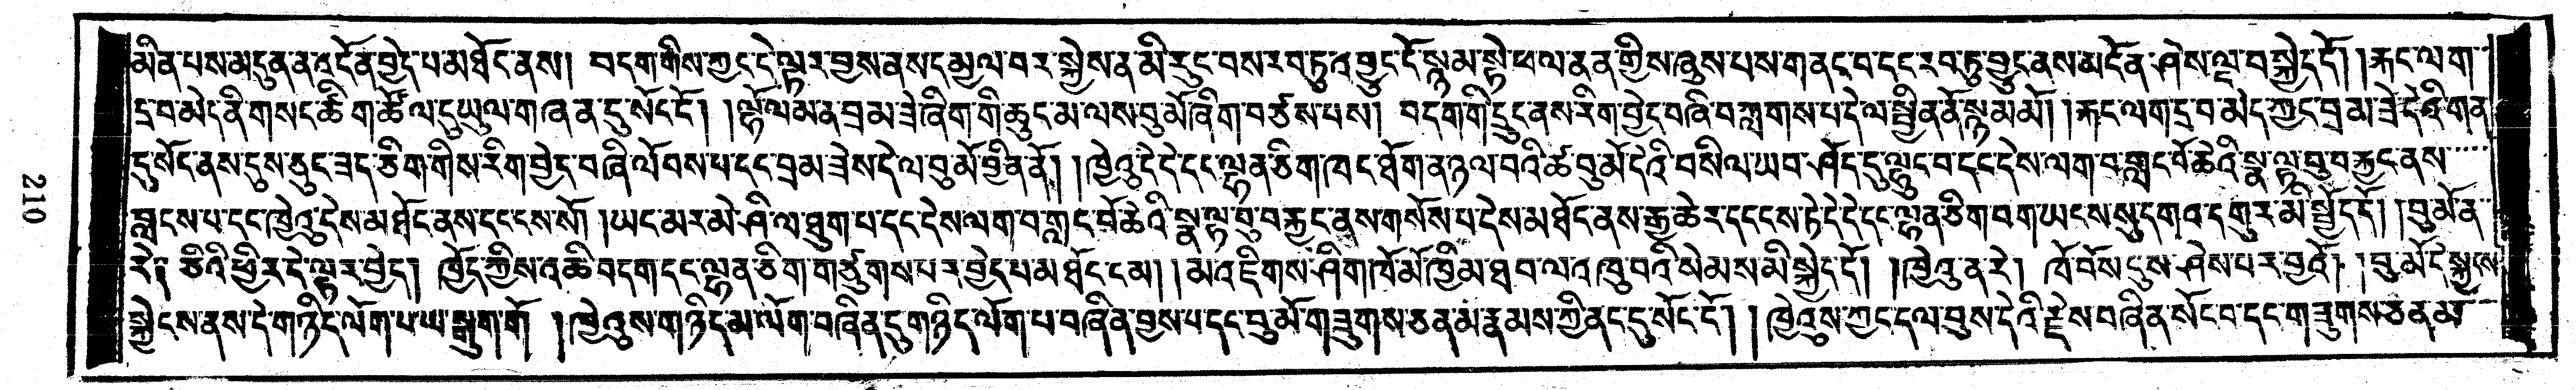མིན་པས་མདུན་ན་འདོན་བྱེད་པ་མཐོང་ནས། བདག་གིས་ཀྱང་དེ་ལྟར་བྱས་ནས་དམྱལ་བར་སྐྱེས་ན་མི་རུང་བས་རབ་ཏུ་འབྱུང་ངོ་སྙམ་སྟེ་ཕལ་ནན་གྱིས་ཞུས་པས་གནང་བ་དང་རབ་ཏུ་བྱུང་ནས་མངོན་ཤེས་ལྔ་བསྐྱེད་དོ། །རྐང་ལག་
དྲ་བ་མེད་ནི་གསང་ཚིག་ཚོལ་དུ་ཡུལ་གཞན་དུ་སོང་ངོ། །ལྷོ་ལམ་ན་བྲམ་ཟེ་ཞིག་གི་ཆུང་མ་ལས་བུ་མོ་ཞིག་བཙས་པས། བདག་གི་དྲུང་ནས་རིག་བྱེད་བཞི་བཀླགས་པ་དེ་ལ་སྦྱིན་ནོ་སྙམ་མོ། །རྐང་ལག་དྲ་བ་མེད་ཀྱང་བྲམ་ཟེ་དེའི་གན་
དུ་སོང་ནས་དུས་ཅུང་ཟད་ཅིག་གིས་རིག་བྱེད་བཞི་ལོབས་པ་དང་བྲམ་ཟེས་དེ་ལ་བུ་མོ་བྱིན་ནོ། །ཁྱེའུ་དེ་དེ་དང་ལྷན་ཅིག་ཁང་ཐོག་ན་ཉལ་བའི་ཚ་བུ་མོ་དེའི་བསིལ་ཡབ་ཤོད་དུ་ལྷུང་བ་དང་དེས་ལག་པ་གླང་པོ་ཆེའི་སྣ་ལྟ་བུ་བརྐྱང་ནས་
བླངས་པ་དང་ཁྱེའུ་དེས་མཐོང་ནས་དང་ངས་སོ། །ཡང་མར་མེ་ཤི་ལ་ཐུག་པ་དང་དེས་ལག་བ་གླང་པོ་ཆེའི་སྣ་ལྟ་བུ་བརྐྱང་ནས་གསོས་པ་དེས་མཐོང་ནས་རྒྱ་ཆེར་དངངས་ཏེ་དེ་དེ་དང་ལྷན་ཅིག་བག་ཡངས་སུ་དགའ་དགུར་མི་སྤྱོད་དོ། །བུ་མོ་ན་
རེ༑ ཅིའི་ཕྱིར་དེ་ལྟར་བྱེད། ཁྱོད་ཀྱིས་འཆི་བདག་དང་ལྷན་ཅིག་གཙུགས་པར་བྱེད་པ་མཐོང་ངམ། །མ་འཇིགས་ཤིག་ཁོ་མོ་ཁྱིམ་ཐབ་ལ་འཁུ་བའི་སེམས་མི་སྐྱེད་དོ། །ཁྱེའུ་ན་རེ། ཁོ་བོས་དུས་ཤེས་པར་བྱའོ། །བུ་མོ་དེ་སྐྱངས་
སྐྱེངས་ནས་དེ་གཉིད་ལོག་པ་ཡ་སྒུག་གོ །ཁྱེའུས་གཉིད་མ་ལོག་བཞིན་དུ་གཉིད་ལོག་པ་བཞིན་བྱས་པ་དང་བུ་མོ་གཟུགས་ཅན་མ་རྣམས་ཀྱི་ནང་དུ་སོང་ངོ། །ཁྱེའུས་ཀྱང་དལ་བུས་དེའི་རྗེས་བཞིན་སོང་བ་དང་གཟུགས་ཅན་མ་